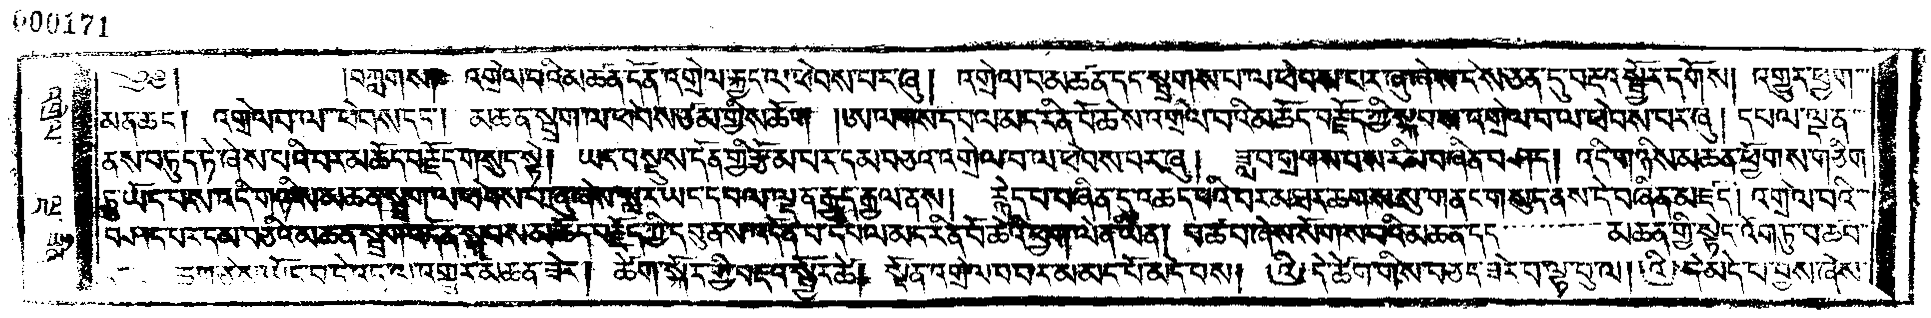༄༅། །བཀླགས། འགྲེལ་བའི་མཚན་དོན་འགྲེལ་རྐྱང་ལ་ཕེབས་པར་ཞུ། འགྲེལ་པ་མཚན་དང་སྦྲགས་པ་ལ་ཕེབས་པར་ཞུ་ཞེས་ངེས་ཅན་དུ་བརྡའ་སྦྱོར་དགོས། འགྱུར་ཕྱག་
མན་ཆད། འགྲེལ་བ་ལ་ཕེབས་དང་། མཆན་སྦྲག་ལ་ཕེབས་ཙམ་གྱིས་ཆོག །ཨ་ལགས་དཔལ་མང་རིན་པོ་ཆེས་འགྲེལ་བའི་མཆོད་བརྗོད་ཀྱི་སྐབས་འགྲེལ་བ་ལ་ཕེབས་པར་ཞུ། དཔལ་ལྡན་
ནས་བཏུད་ཏེ་ཞེས་པའི་བར་མཆོད་བརྗོད་གསུང་སྟེ། ཡང་བསྡུས་དོན་གྱི་རྩོམ་པར་དམ་བཅའ་འགྲེལ་བ་ལ་ཕེབས་པར་ཞུ། ཟླ་བ་གྲགས་པས་རིམ་བཞིན་བཤད། འདི་གཉིས་མཆན་ཕྱོགས་གཅིག་
ཏུ་ཡོད་པས་འདི་གཉིས་མཆན་སྦྲག་ལ་ཕེབས་པ་ཞུ་ཞེས་སླར་ཡང་དཔལ་ལྡན་རྒྱུད་རྒྱལ་ནས། རྙེད་པ་བཞིན་དུ་འཆད་པའི་བར་མཐར་ཆགས་སུ་གནང་གསུང་ནས་དེ་བཞིན་མཛད། འགྲེལ་བའི་
བཤད་པར་དམ་བཅའི་མཆན་སྦྲག་འདོན་སྐབས་མཆོད་བརྗོད་ཀྱི་དབུ་ནས་འདོན་པ་དཔལ་མང་རིན་པོ་ཆེའི་ཕྱག་ལེན་ཡིན། བ་ཚབ་ཞེས་སོགས་པའི་མཆན་དང་མཆན་གྱི་སྟེང་འོག་ཏུ་བ་ཚབ་
དང༑ ཆག་ཅེས་ཡོད་པ་དེ་འདྲ་ལ་འགྱུར་མཆན་ཟེར། ཚེག་སྐོར་གྱི་བརྡའ་སྦྱོར་ཚེ། སྔོན་འགྲེལ་བ་བར་མ་མང་པོ་མེད་བས། འི་དེ་ཚེག་གིས་བཅད་ཟེར་བ་ལྟ་བུ་ལ། འི་དེ་མེད་པ་བྱས་ཞེས་